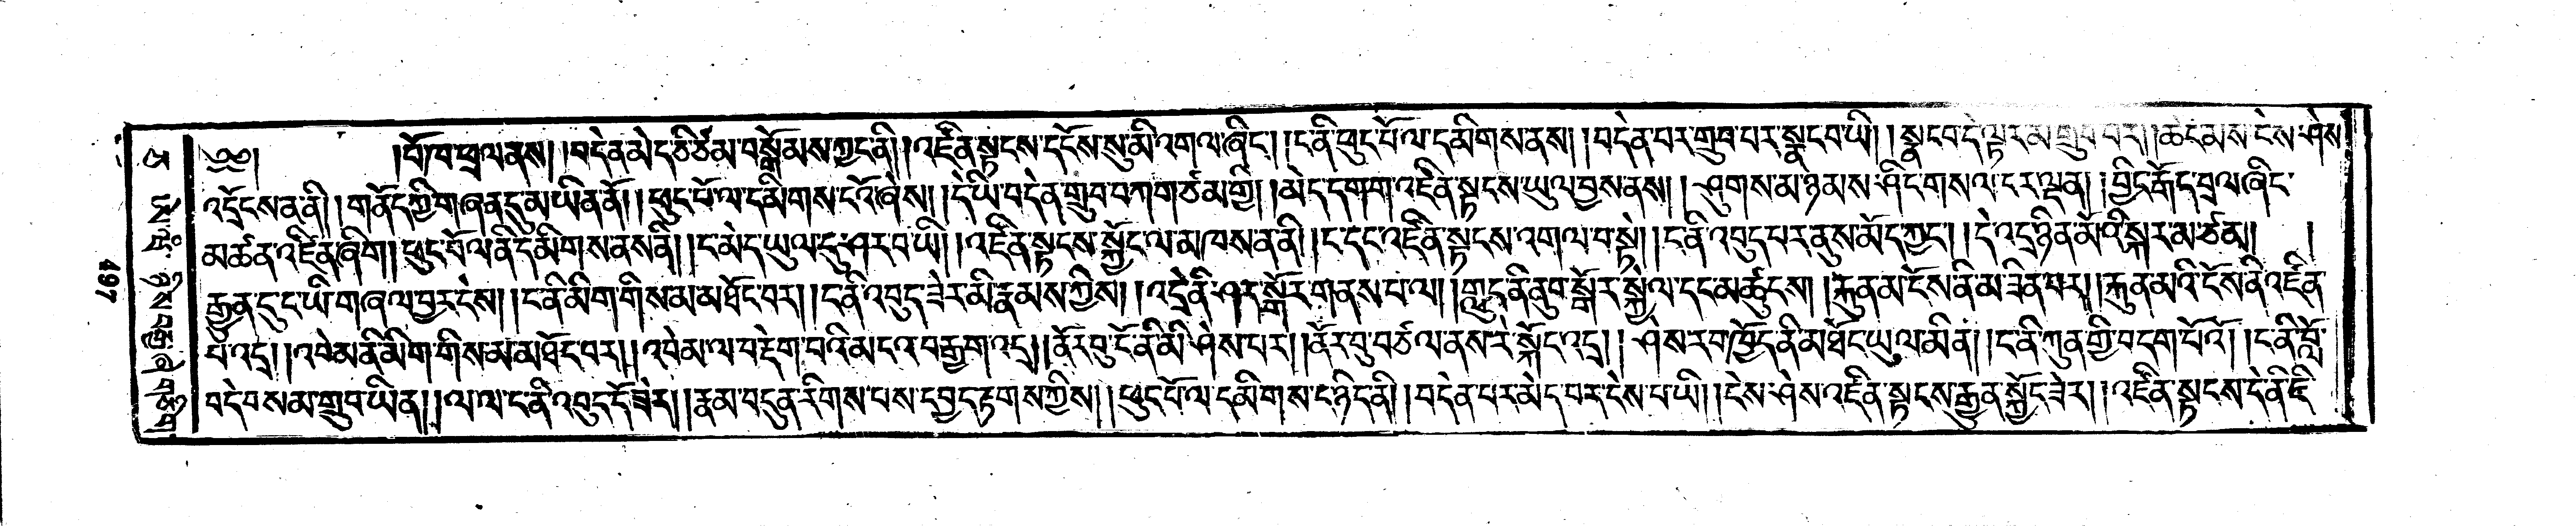༄༅། །པོ་ཁ་ཕྲལ་ནས། །བདེན་མེད་ཅི་ཙམ་བསྒོམས་ཀྱང་ནི། །འཛིན་སྟངས་དངོས་སུ་མི་འགལ་ཞིང་། །ང་ནི་ཕུང་པོ་ལ་དམིགས་ནས༑ ༑བདེན་པར་གྲུབ་པར་སྣང་བ་ཡི། །སྣང་བ་དེ་ལྟར་མ་གྲུབ་པར༑ ༑ཚང་མས་ངེས་ཤེས་
འདྲོངས་ན་ནི། །གནོད་ཀྱི་གཞན་དུ་མ་ཡིན་ནོ། །ཕུང་པོ་ལ་དམིགས་ངའོ་ཞེས། །དེ་ཡི་བདེན་གྲུབ་བཀག་ཙམ་གྱི། །མེད་དགག་འཛིན་སྟངས་ཡུལ་བྱས་ནས། །ཤུགས་མ་ཉམས་ཤིང་གསལ་ངར་ལྡན། །བྱིང་རྒོད་བྲལ་ཞིང་
མཚན་འཛིན་ཞིག །ཕུང་པོ་ལ་ནི་དམིགས་ནས་ནི། །ང་མེད་ཡུལ་དུ་ཤར་བ་ཡི། །འཛིན་སྟངས་སྐྱོང་ལ་མཁས་ན་ནི། །ང་དང་འཛིན་སྟངས་འགལ་བ་སྟེ། །ང་ནི་འབུད་པར་ནུས་མོད་ཀྱང་། །དེ་འདྲ་ཉིན་མོའི་སྐར་མ་ཙམ། །
རྒྱུན་དུ་ང་ཡི་གཞལ་བྱར་ངེས། །ང་ནི་མིག་གིས་མ་མཐོང་བར། །ང་ནི་འབུད་ཟེར་མི་རྣམས་ཀྱིས། །འདྲེ་ནི་ཤར་སྒོར་གནས་པ་ལ། །གླུད་ནི་ནུབ་སྒོར་སྐྱེལ་དང་མཚུངས། །རྐུན་མ་ངོས་ནི་མ་ཟིན་པར༑ ༑རྐུན་མའི་ངོས་ནི་འཛིན་
པ་འདྲ། འབེམ་ནི་མིག་གིས་མ་མཐོང་བར། །འབེམ་ལ་བརྡེག་པའི་མདའ་བརྒྱག་འདྲ། །ནོར་བུ་ངོ་ནི་མ་ཤེས་པར། །ནོར་བུ་བཙལ་ནས་རེ་སྐོང་འདྲ། །ཤེས་རབ་ཁྱོན་ནི་མཐོང་ཡུལ་མིན། །ང་ནི་ཀུན་གྱི་བདག་པོའོ། །ང་ནི་བློ་
བདེ་བསམ་གྲུབ་ཡིན། །ལ་ལ་ང་ནི་འབུད་དོ་ཟེར། །རྣམ་བདུན་རིགས་པས་དཔྱད་རྟགས་ཀྱིས། །ཕུང་པོ་ལ་དམིགས་ང་ཉིད་ནི། །བདེན་པར་མེད་པར་ངེས་པ་ཡི། །ངེས་ཤེས་འཛིན་སྟངས་རྒྱུན་སྐྱོང་ཟེར། །འཛིན་སྟངས་དེ་ནི་ཇི་